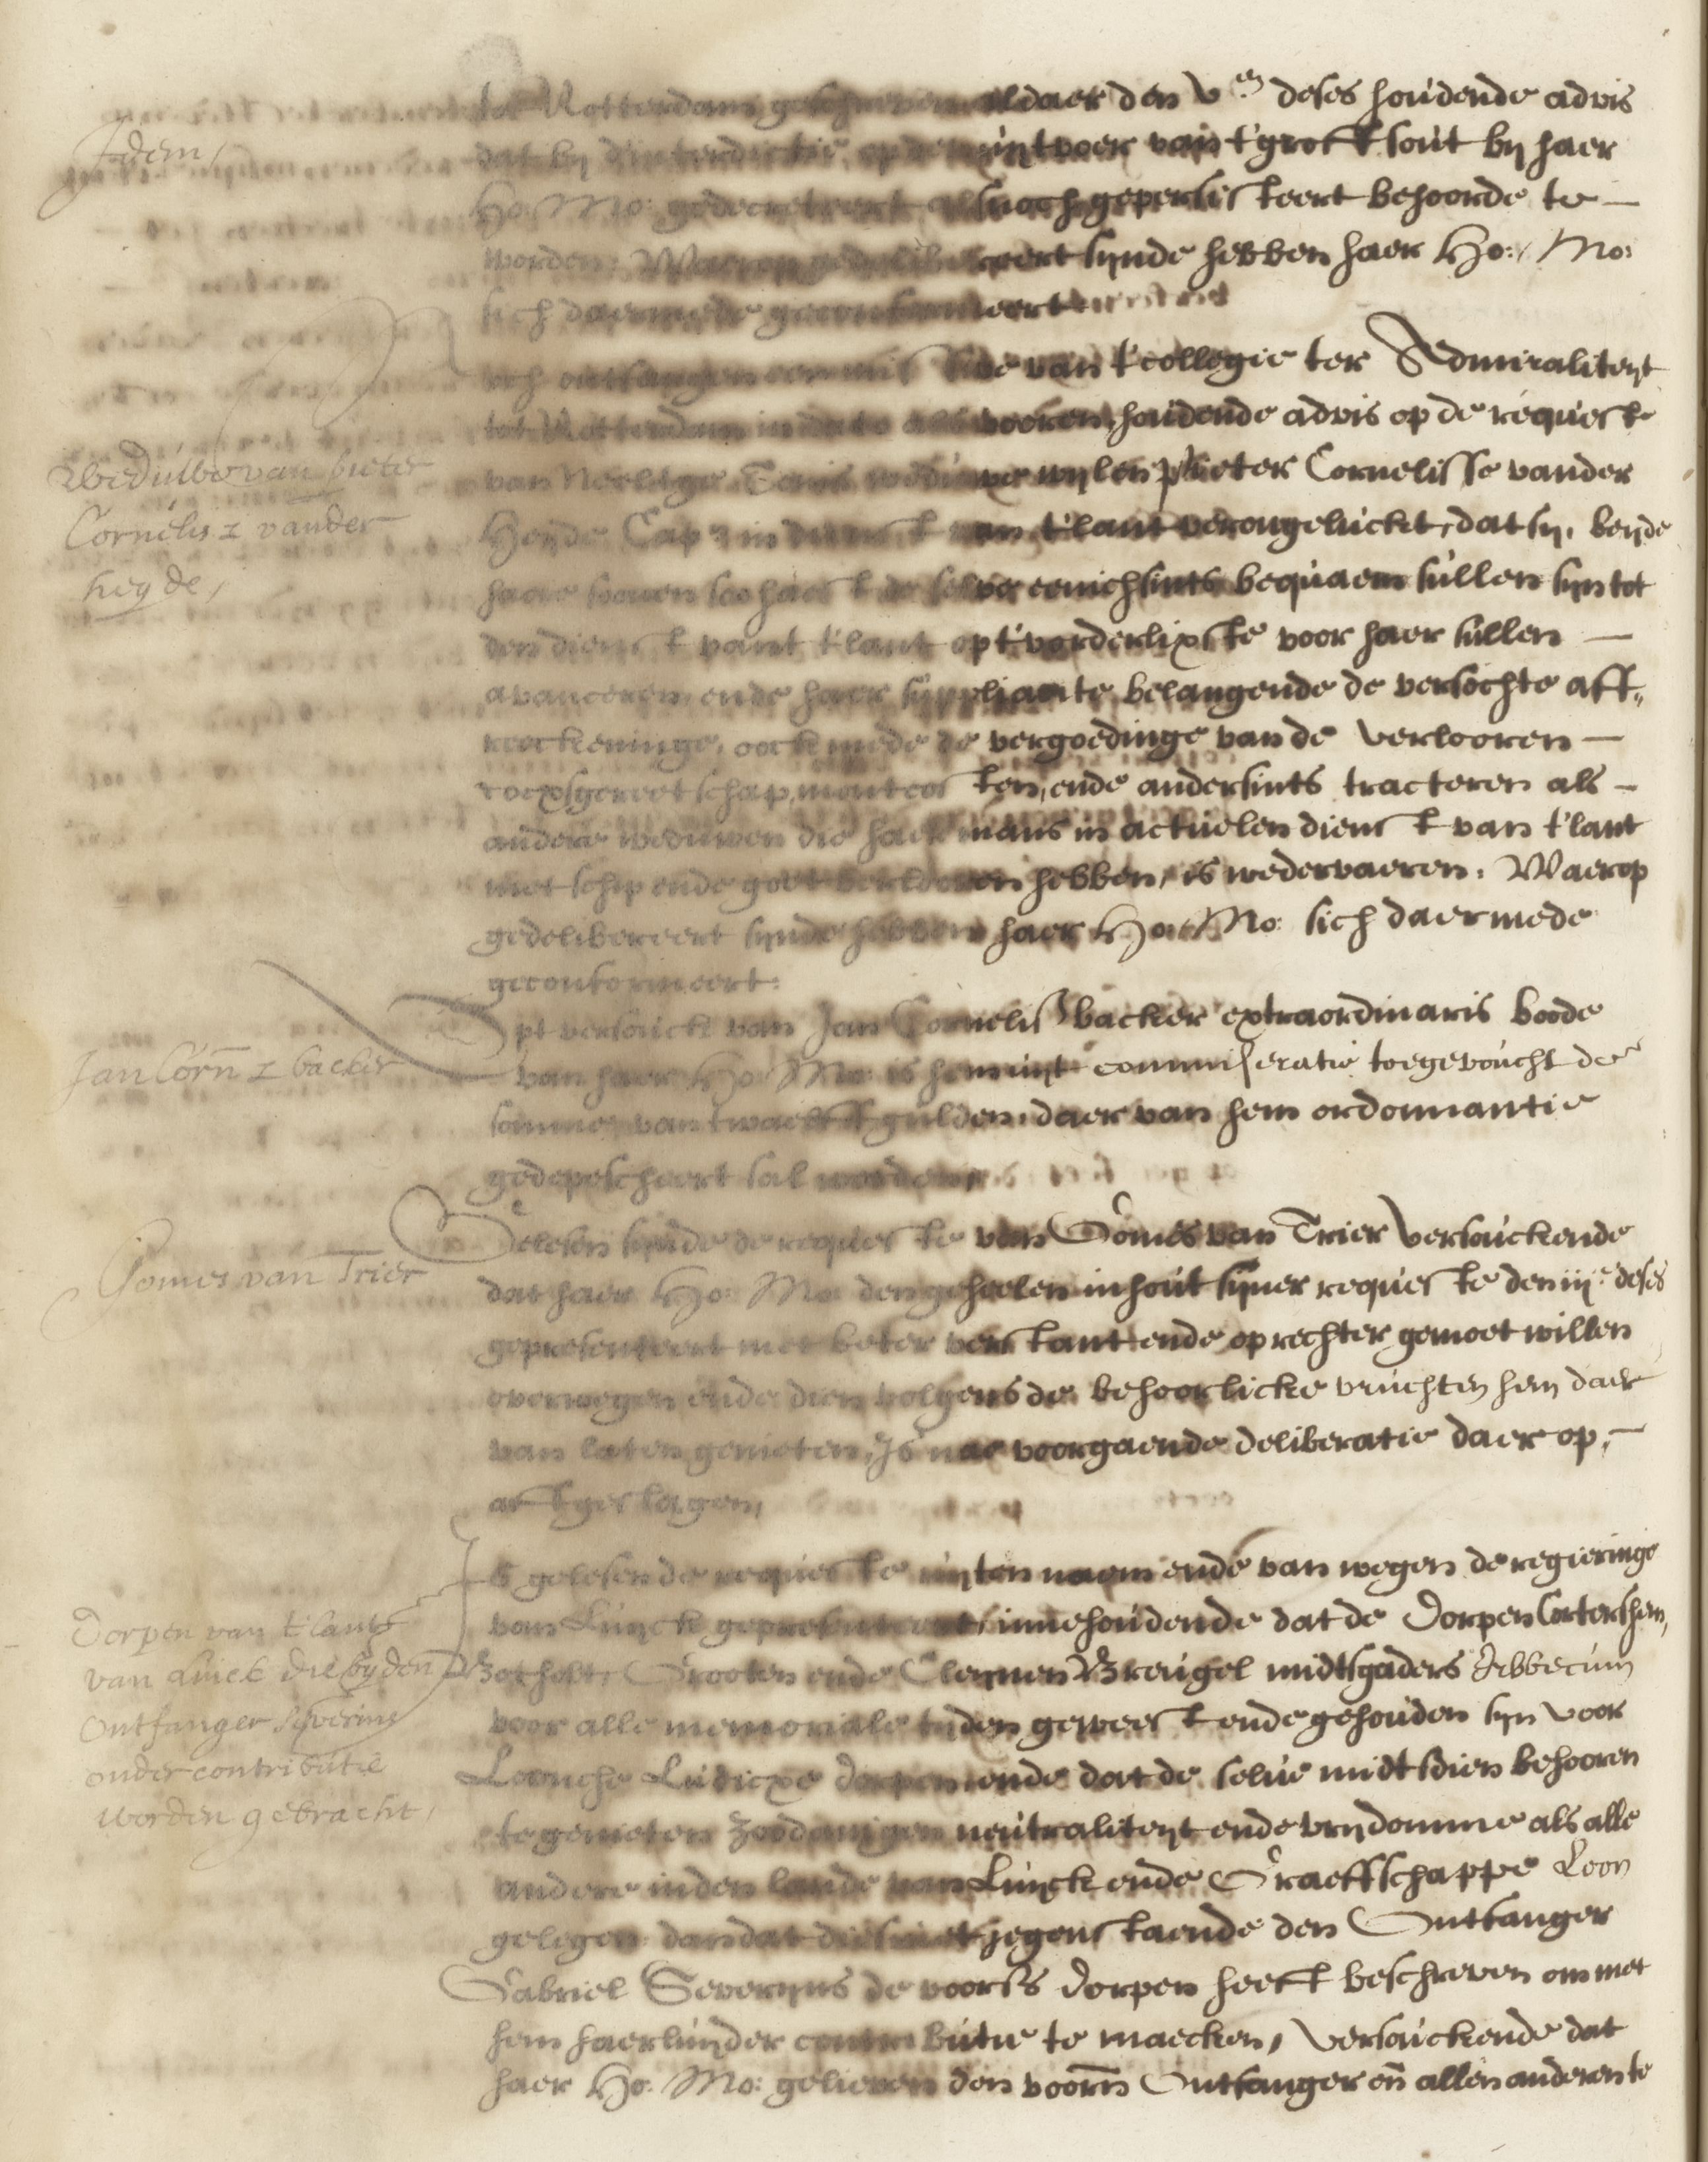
Idem
te Rotterdam geschreven aldaer den ven deses houdende advis
dat by d'interdictie op de vuytvoer van t'groffsout by haer
Ho:Mo: gedecreteert alsnoch gepersisteert behoorde te
worden. Waerop gedelibereert synde hebben haer Ho:Mo:
sich daermede geconformeert.
weduwe van Pieter
Cornelisz vander
Heyde
Noch ontfangen een missive van t'collegie ter Admiraliteyt
tot Rotterdam in dato als vooren, houdende advis op de requeste
van Neeltge Tonis, weduwe wylen pieter Cornelisse vander
Heijde Capn. in dienst van t'lant verongeluckt, dat sy, beyde
haere soonen soo haest de selve eenichsints bequaem sullen syn tot
den dienst vant t'lant op t'vorderlixste voor haer sullen —
avanceren ende haer suppliante belangende de versochte aff„
reeckeninge, oock mede de vergoedinge van de verlooren -
cocxgereetschap, montcosten ende andersints tracteren als -
andere weduwen die haer mans in actuelen dienst van t'lant
met schip en goet verlooren hebben, is wedervaeren. Waerop
gedelibereert synde hebben haer Ho:Mo: sich daermede
geconformeert.
Jan Cornz backer
Opt versouck van Jan Cornelis backer extraordinaris boode
van haer Ho:Mo: is hem uyt commiseratie toegevoucht de
somme van twaelff gulden daervan hem ordonnantie
gedepescheert sal worden.
Gomes van Trier
Gelesen synde requeste van Gomes van Trier versouckende
dat haer Ho:Mo: den geheelen inhout sijner requeste den iije. deses
gepresenteert met beter verstant ende op rechter gemoet willen
overwegen ende dienvolgens de behoorlicke vruchten hem daer
van laten genieten. Is nae voorgaende deliberatie daer op -
affgeslagen
Dorpen van t'lant
van Luick die by den
Ontfanger Severins
onder contributie
worden gebracht.
Is gelesen de requeste uyten naem ende van wegen de regieringe
van Luyck gepresenteert innehoudende dat de Dorpen Cortershem,
Bocholt, Grooten ende Cleynen Breugel midtsgaders Erbbecum
voor alle memoriale tyden geweest ende gehouden syn voor
Loonche Ludicxe dorpen ende dat de selue midtsdien behooren
te genieten zoodanigen neutraliteyt ende vrydomme als alle
andere inden lande van Luyck ende Graeffschappe Loon
gelegen dan dat dies nietjegenstaende den Ontfanger
Gabriel Severyns de voors dorpen heeft beschreven om met
hem haerluyder contributie te maecken, versouckende dat
haer Ho:Mo: gelieven den voorn Ontfanger en allen anderen te
